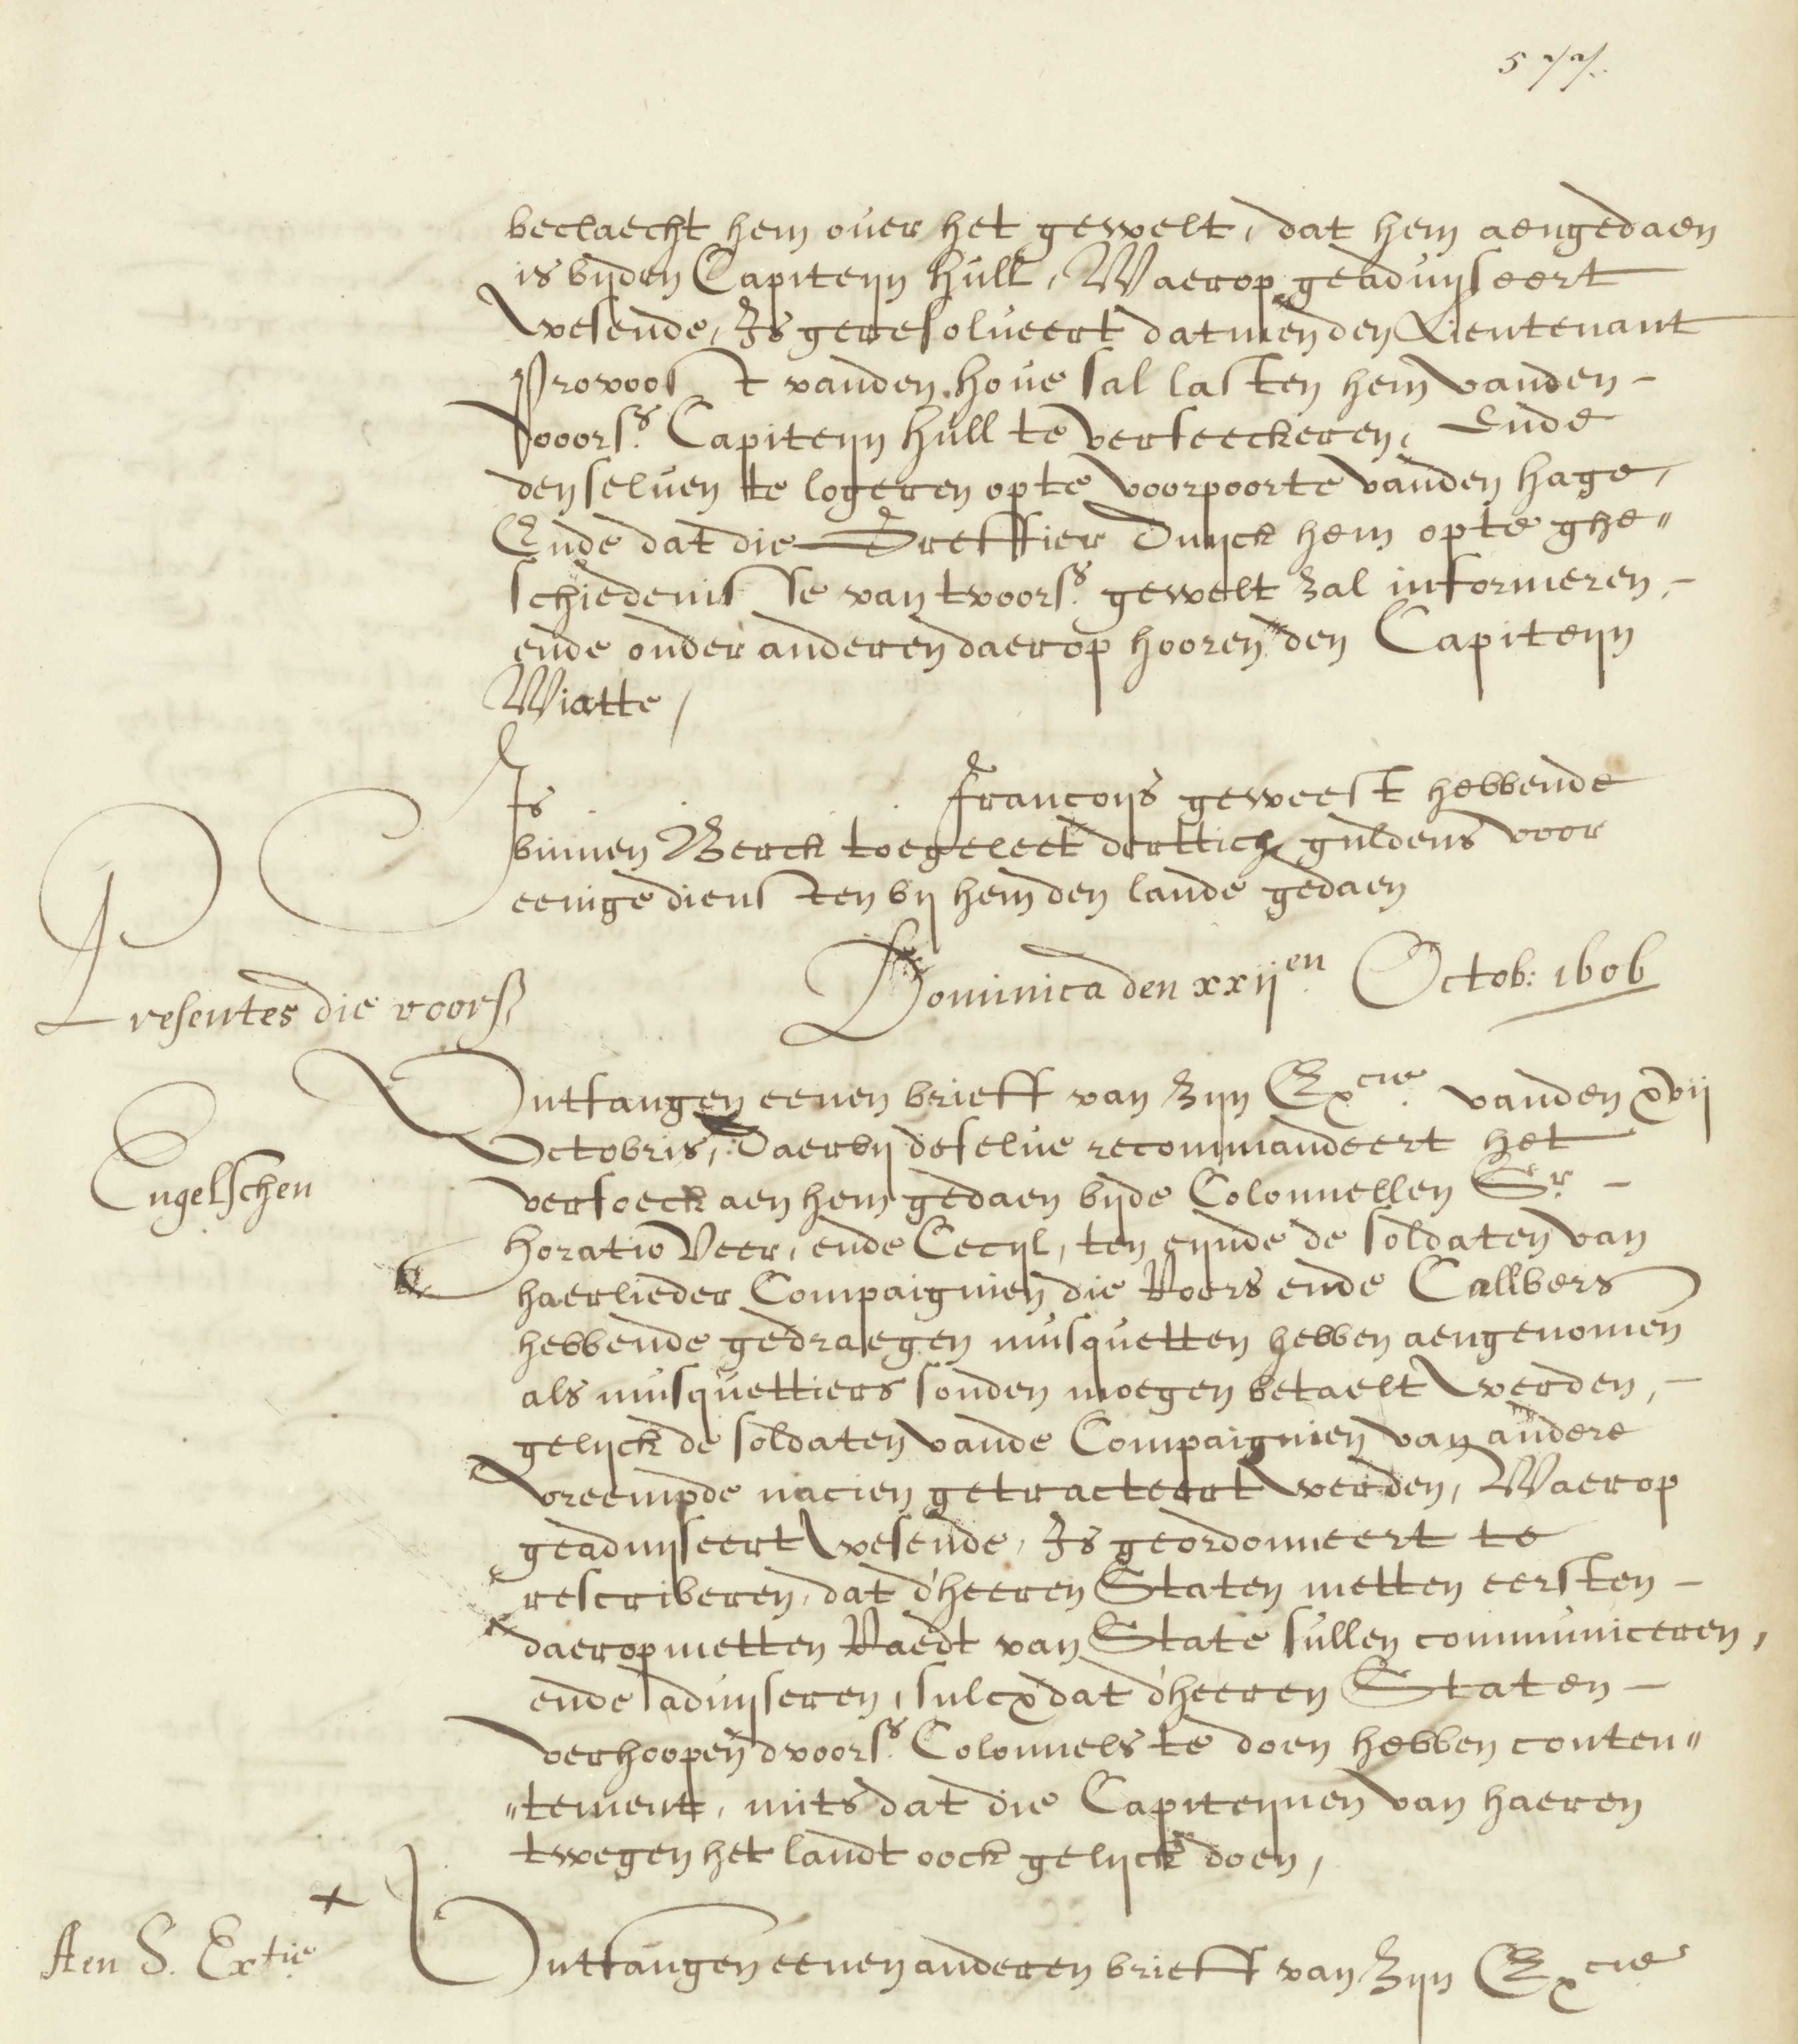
577.
beclaecht hem over het gewelt, dat hem aengedaen
is byden Capiteijn Hull. Waerop geaduyseert
wesende, is geresolueert dat men den Lieutenant
Provoost vanden Houe sal lasten hem vanden
voors. Capiteyn Hull te verseeckeren, ende
den selven te logeren op te voorpoorte vanden Hage
Ende dat die Grefffier Duyck hem opte ghe„
schiedenisse vant voors. gewelt zal informeren
ende onder anderen daerop hooren den Capiteyn
Wiatte.
Is . . . . . Francoys geweest hebbende
binnen Berck toegeleet derttich guldens voor
eenige diensten by hem den lande gedaen
Dominica den xxijen Octob: 1606
Presentes die voors
Engelschen
Ontfangen eenen brieff van zyn Excie. vanden xvij
Octobris, daerby deselue recommandeert het
versoeck aen hem gedaen byde Colonnellen Sr
Horatio Veer, ende Cecyl, ten eynde de soldaten van
haerlieder Compaignien die Roers ende Callbers
hebbende gedraegen musquetten hebben aengenomen
als musquettiers souden moegen betaelt werden, -
gelyck de soldaten vande Compaignien van andere
vreempde nacien getracteert werden. Waerop
geaduyseert wesende, Is geordonneert te
rescriberen, dat d'heeren Staten metten eersten
daerop metten Raedt van State sullen communiceren,
ende aduyseren, sulcx dat d'heeren Staten
verhoopen dvoors. Colonnels te doen hebben conten„
,,tement, mits dat die Capiteynen van haeren
twegen het landt oock gelyck doen.
Aen S. Extie
Ontfangen eenen anderen brieff van Zyn Excie
